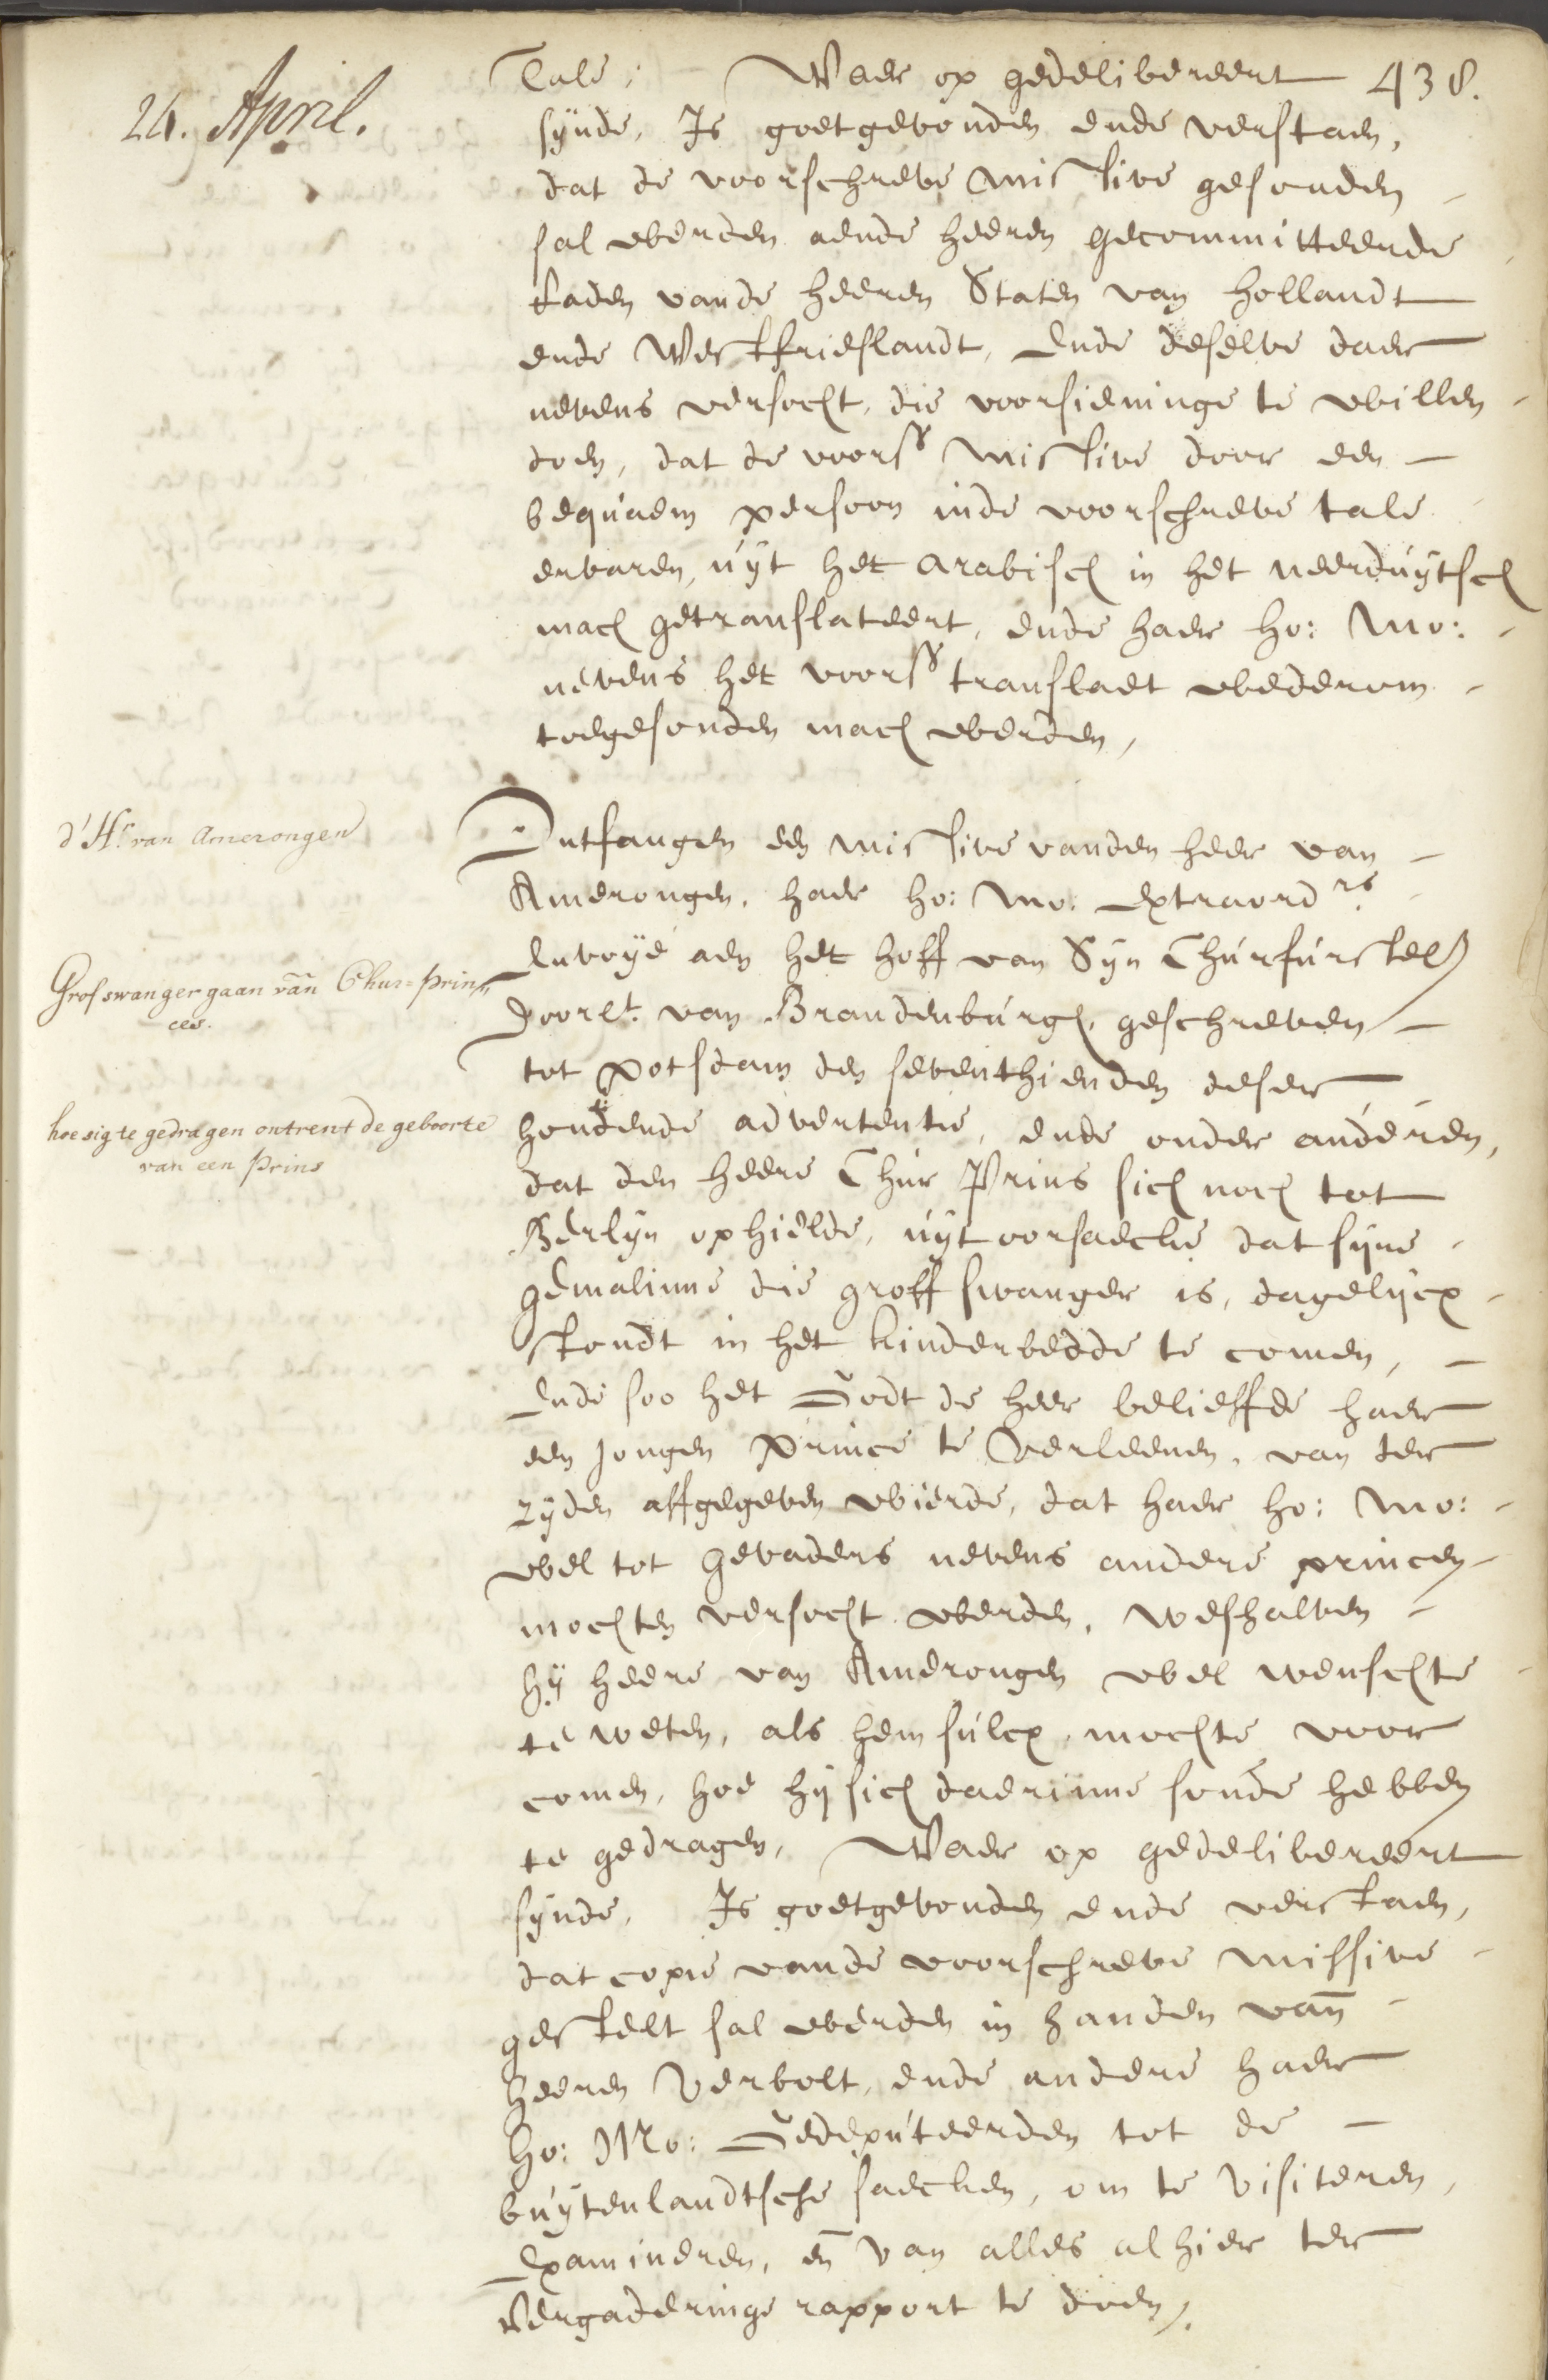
438.
24. April.
Tale. Waer op gedelibereert
sijnde, is goetgevonden ende verstaen,
dat de voorschreve missive gesonden
sal werden aende heeren gecommitteerde
Raden vande heeren Staten van hollandt
ende Westfrieslandt, ende deselve daer
nevens versocht, die voorsieninge te willen
doen, dat de voors missive door een
bequaem persoon inde voorschreve tale
ervaren, uijt het arabisch in het neerduijtsch
mach getranslateert, ende haer ho:Mo:
nevens het voors translaet wederom
toegesonden mach werden.
d'Hr. van Amerongen
Grof swanger gaan van Chur-Prin,,
ces.
hoe sig te gedragen ontrent de geboorte
van een prins
Ontfangen een missive vanden heer van
Amerongen, haer ho:mo: extraordrs.
Envoijé aen het hoff van sijn Churfurstel
Doorlt. van Brandenburgh, geschreven
tot Potsdam den seventhien den deser
houdende advertentie, ende onder anderen
dat den heere Chur Prins sich noch tot
Berlijn ophielde, uijt oorsaecke dat sijne
gemalinne die groff swanger is, dagelijcx
stondt in het kinderbedde te comen,
ende soo het Godt de heer belieffde haer
een jongen Prince te verleenen, van ter
zijden affgegeven wierde, dat haer ho:mo:
wel tot gevaders nevens andere princen
mochten versocht werden, weshalven
hij heere van Amerongen wel wenschte
te weten, als hem sulcx, mochte voor
comen, hoe hij sich daerinne soude hebben
te gedragen. Waer op gedelibereert
sijnde, is goetgevonden ende verstaen
dat copie vande voorschreve missive
gestelt sal werden in handen van
heeren Verbolt, ende andere haer
ho:Mo: Gedeputeerden tot de
buijtenlandtsche saecken, om te visiteren,
examineren, en van alles alhier ter
vergaderinge rapport te doen.
